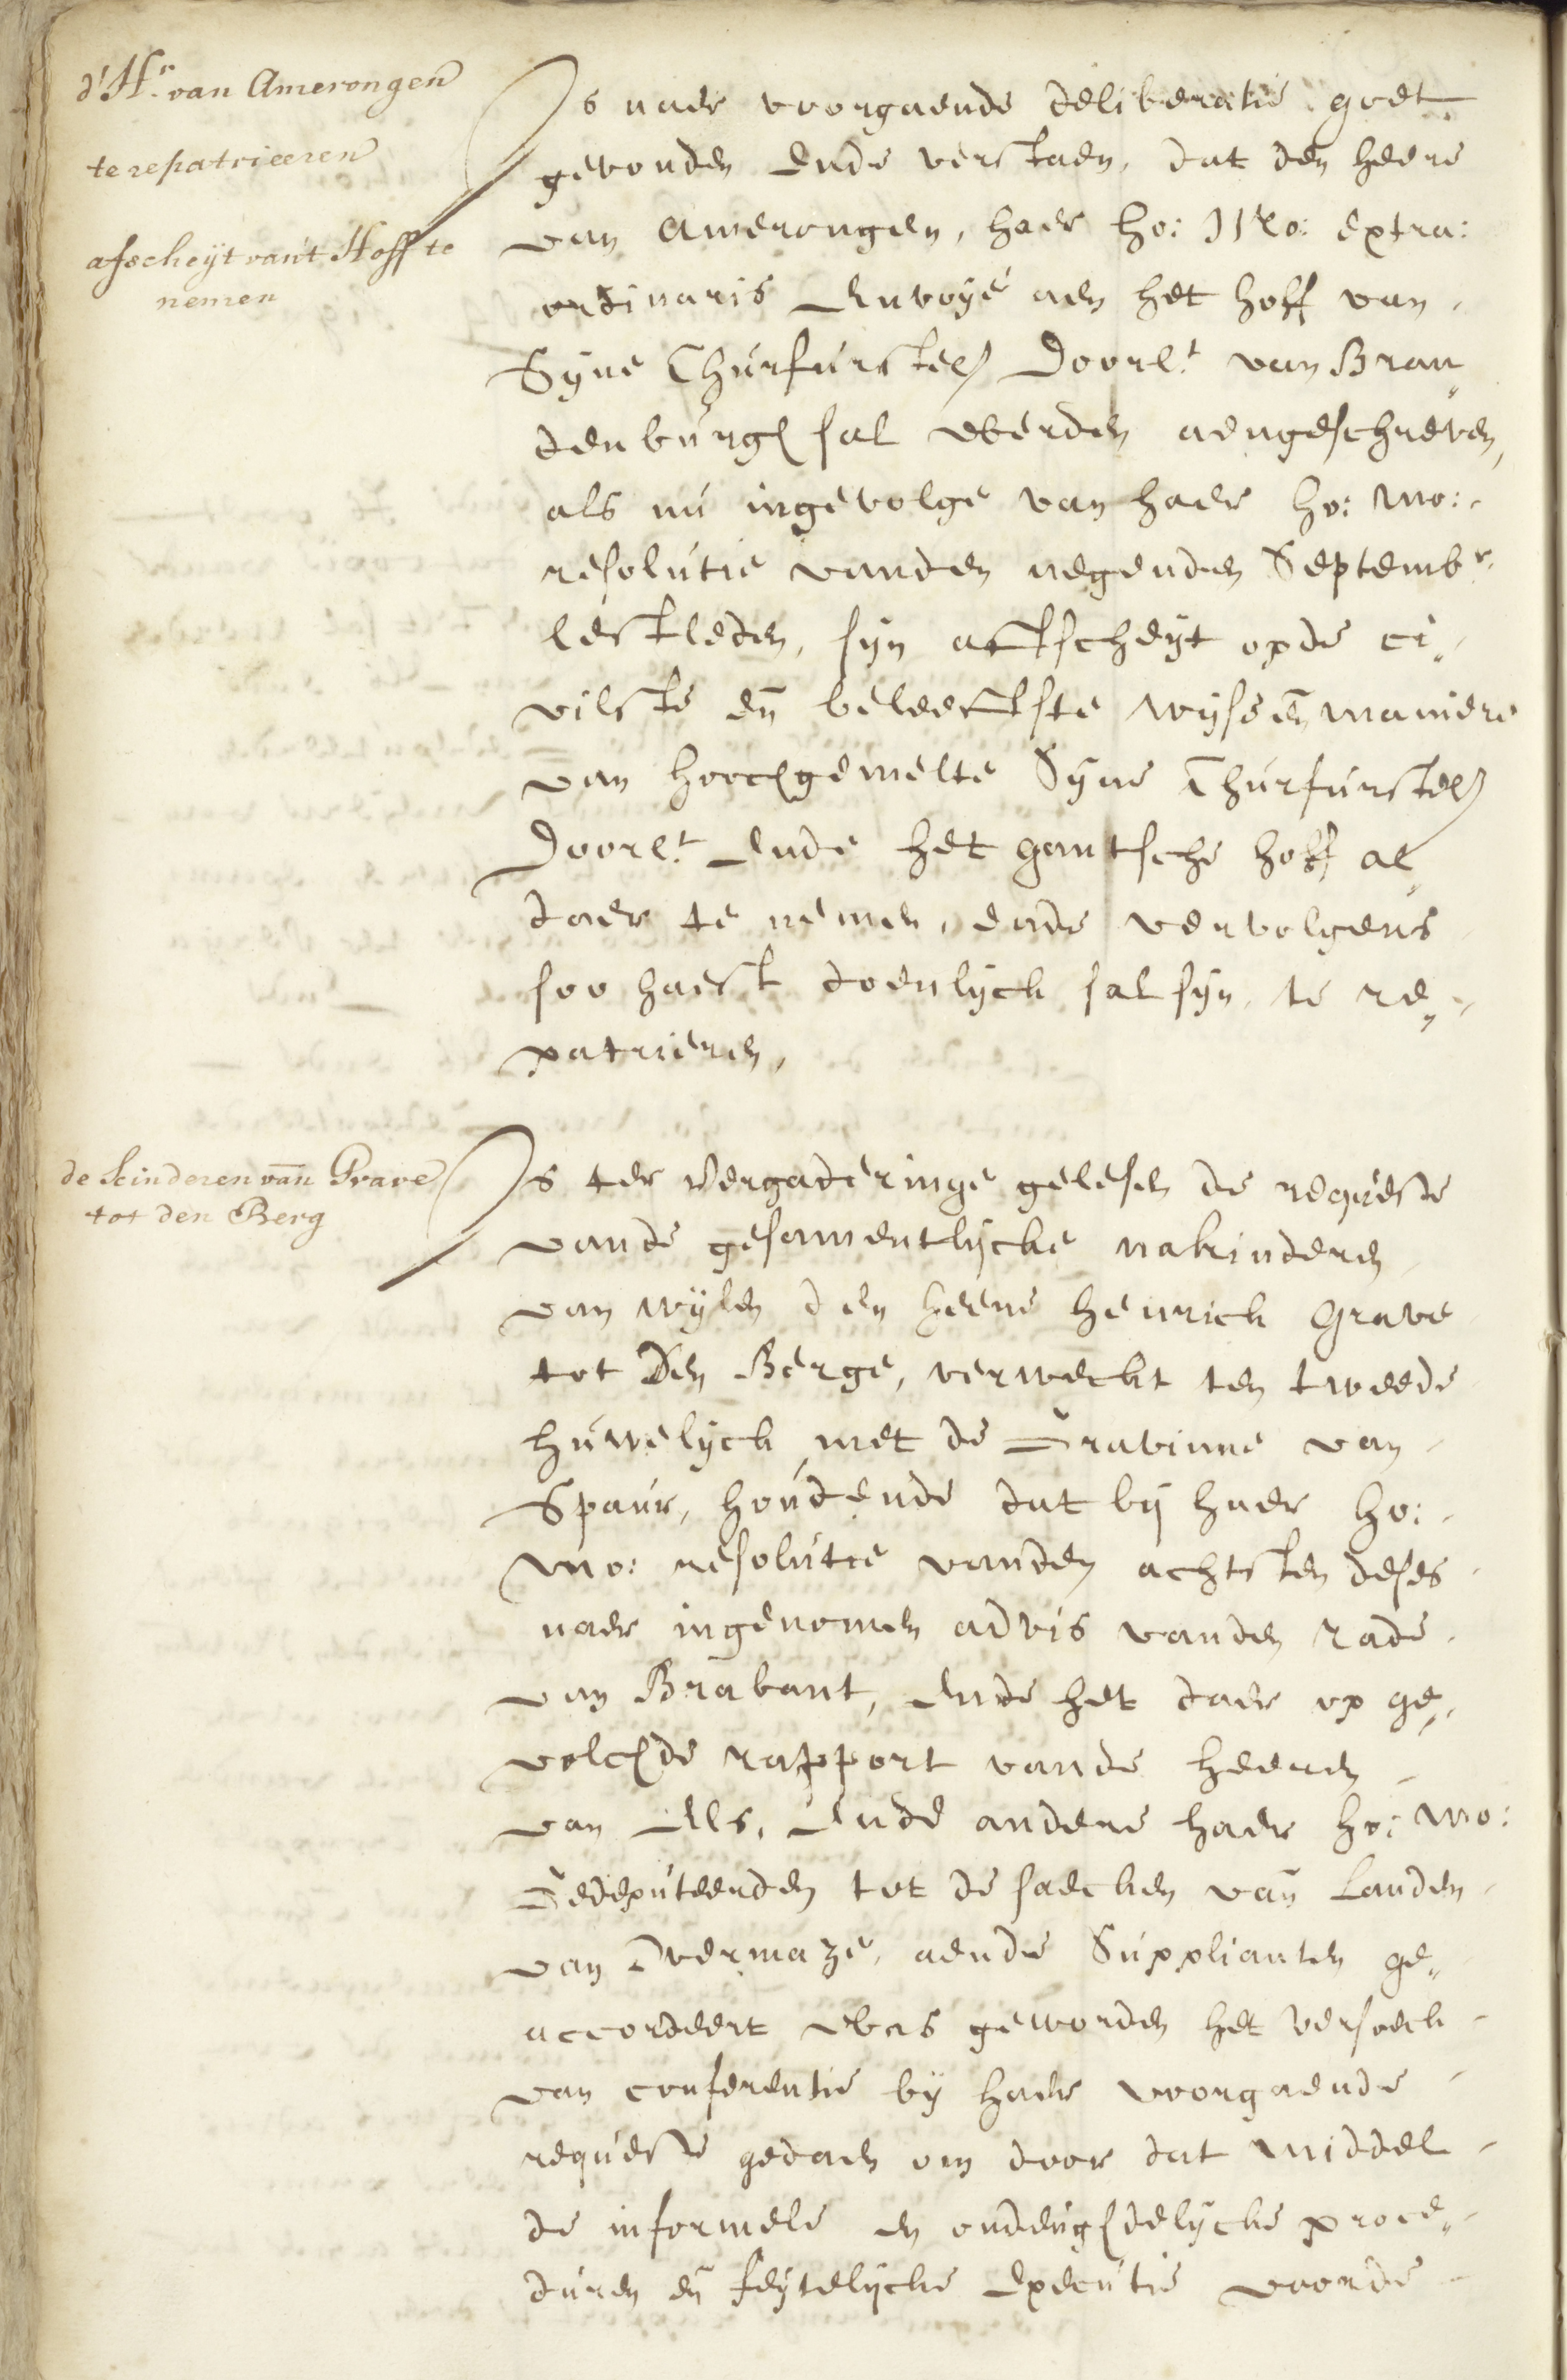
d'Hr. van Amerongen
te repatrieeren
afscheijt van 't Hoff te
nemen
Is naer voorgaende deliberatie goet„
gevonden ende verstaen dat den heere
van Amerongen, haer Ho:Mo: extra„
ordinaris Envoyé aen het hoff van,
Sijne Churfurstele Doorlt van Bran„
denburgh sal werden aengeschreven
als nu ingevolge van haer Ho:Mo:
resolutie vanden negenden Septembr
lestleden sijn affscheijt opde ci„
vilste en beleefffste wijse en maniere
van hoochgemelte Sijne Churfustel
Doorlt ende het gantsche hoff al
daer te nemen, ende vervolgens
soo haest doenlijck sal sijn te re„
patrieren.
de kinderen van Grave
tot den Berg
Is ter vergaderinge gelesen de requeste
van de gesamentlijcke nakinderen
van wijlen den heere henrick Grave
tot den Berge, verweckt ten tweede
huwelijck met de Gravinne van
Spaur, houdende dat bij haer Ho:
Mo: resolutie vanden achtsten deses
naer ingenomen advis van den rade
van Brabant, ende het daer op ge„
volchde rapport van de heeren
van Els, ende andere haer Ho:Mo:
Gedeputeerden, tot de saecken van Landen
van Overmaze, aende Supplianten ge„
accordeert was geworden het versoeck
van conferentie bij haer voorgaende
requeste gedaen om door dat middel
de informele ende ondeughdelijcke proce„
duren ende feijtelijcke executie voorde
